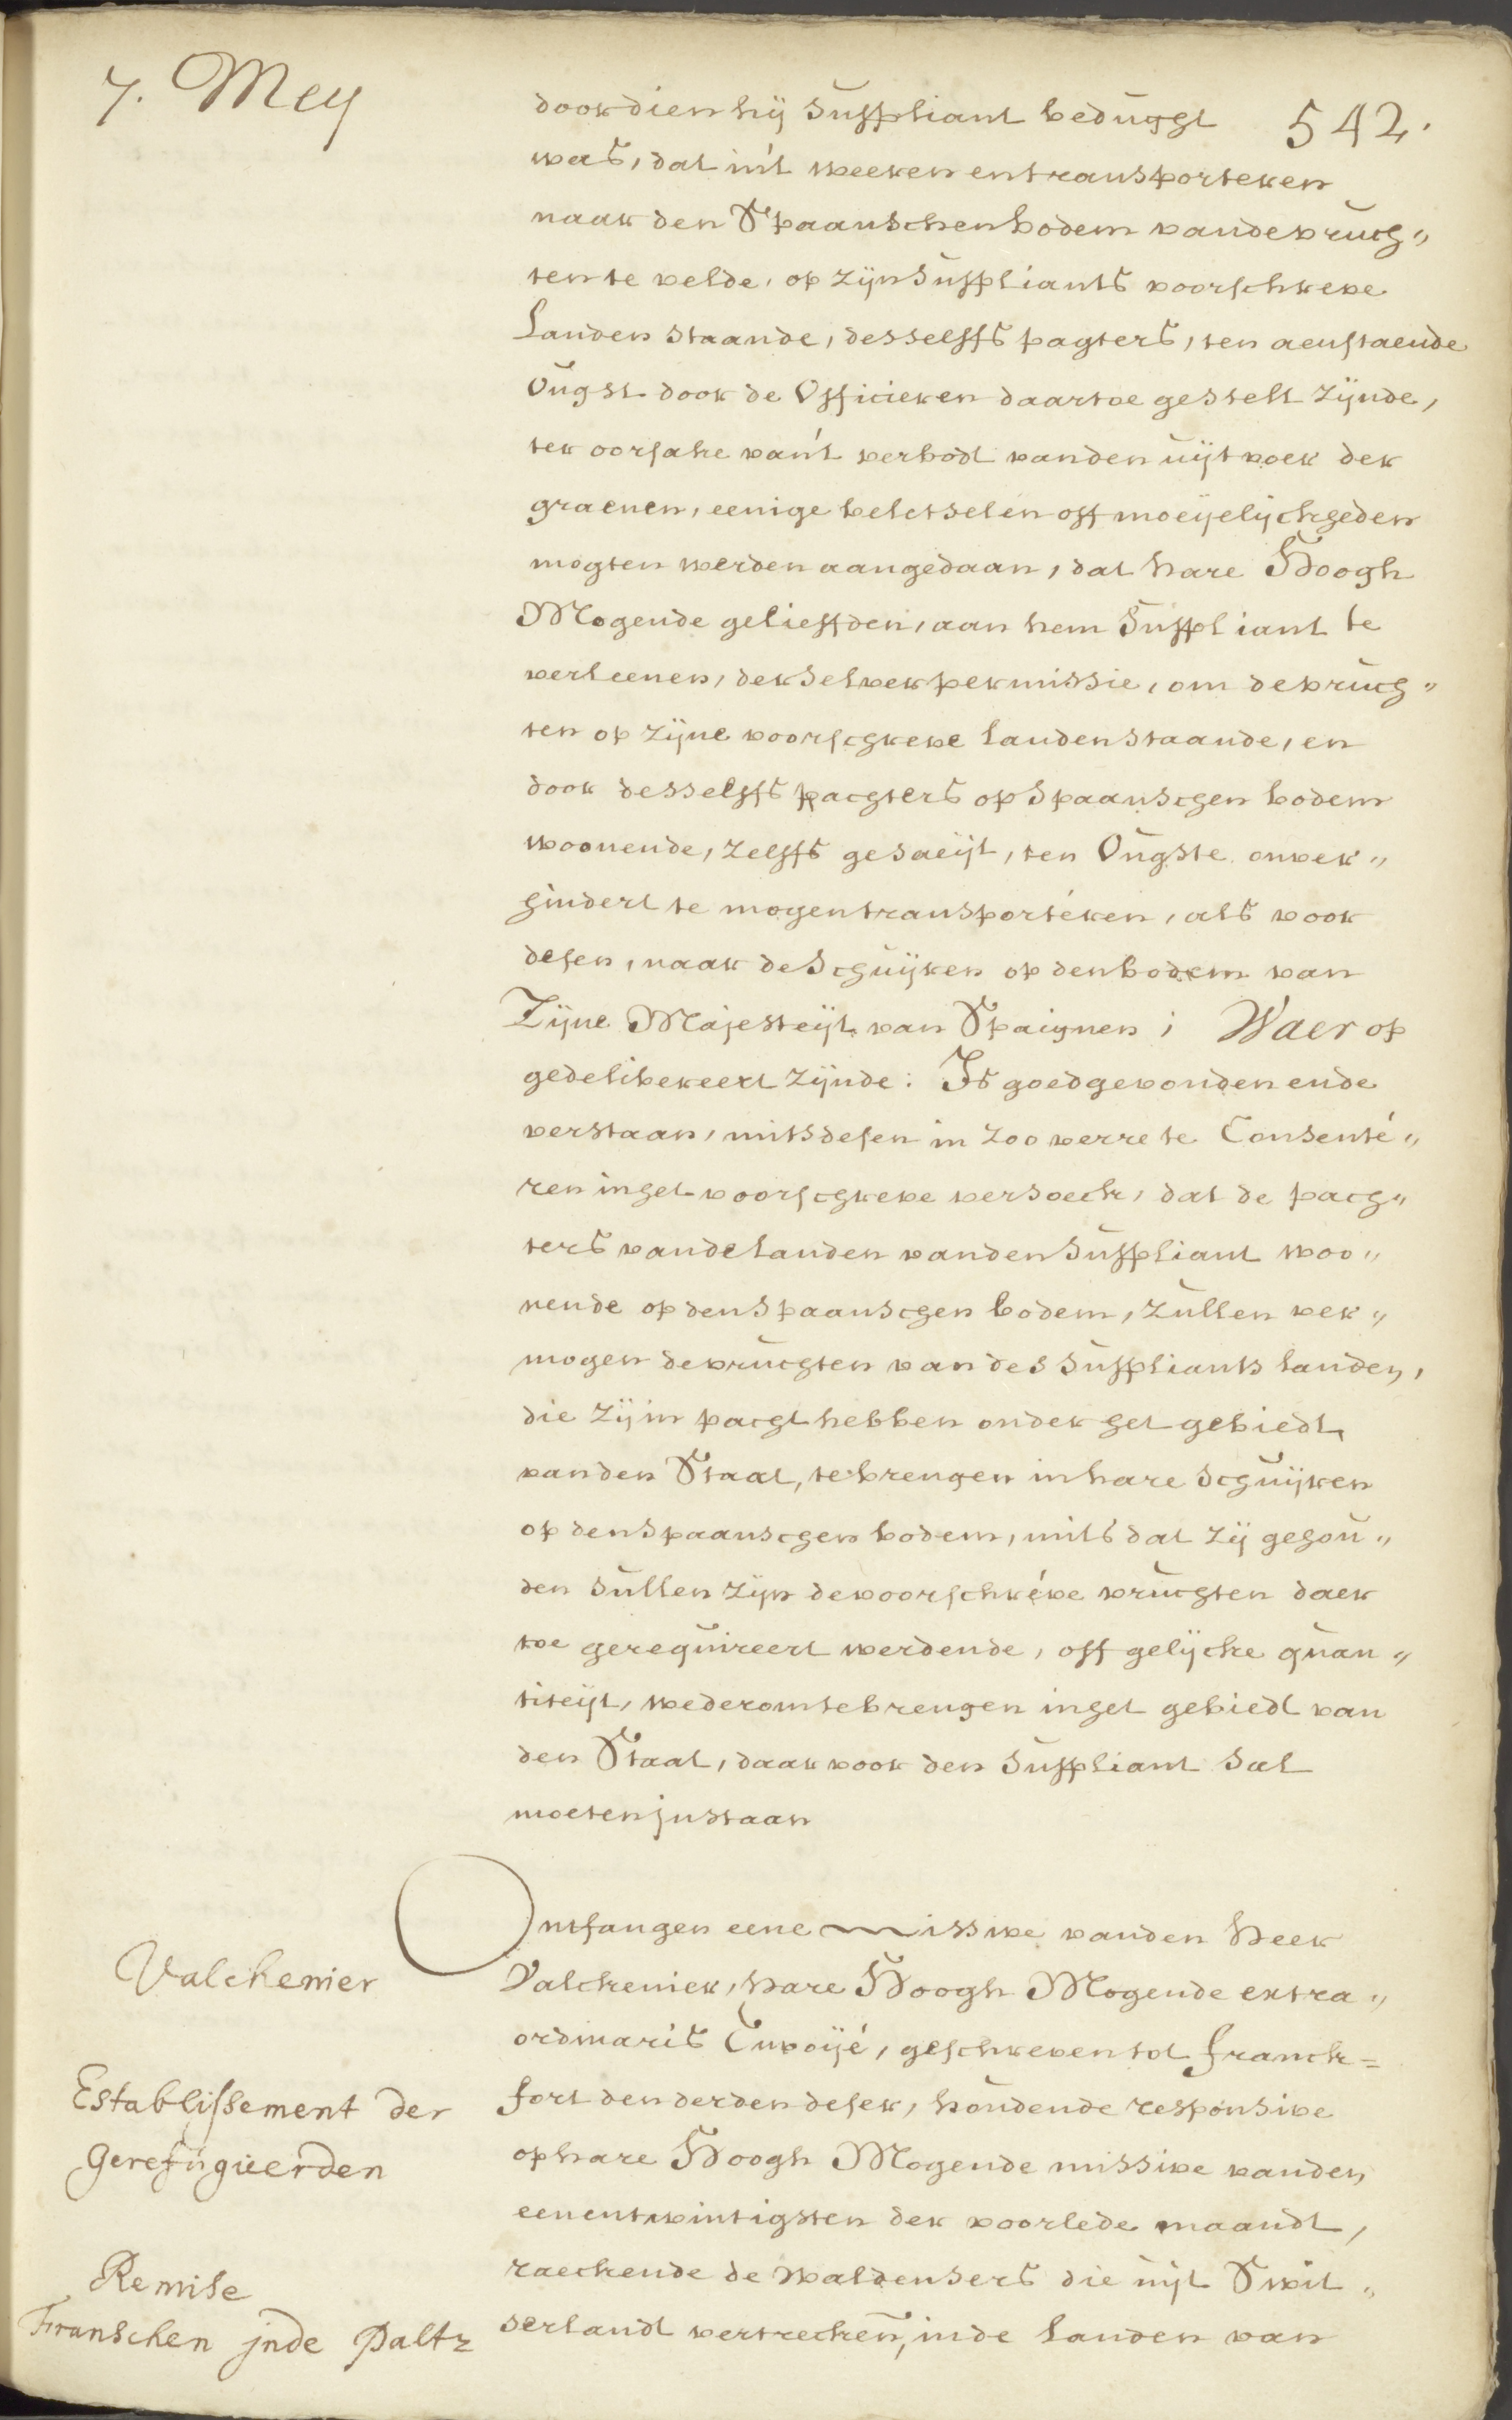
542.
7. Meij
door dien hij suppliant bedught
was, dat in't weeren entransporteren
naar den Spaanschen bodem vande vruch„
ten te velde, op zijn suppliants voorschreve
Landen staande, desselffs pagters, ten aenstaende
ougst door de Officieren daartoe gestelt zijnde,
ter oorsake van 't verbodt vanden uijtvoer der
graenen, eenige beletselen off moeijelijckheden
mogten werden aangedaan, dat hare Hoogh
Mogende gelieffden, aan hem suppliant te
verleenen, derselver permissie, om de vruch„
ten op zijne voorschreve landen staande, en
door desselffs pachters op spaanschen bodem
woonende, zelffs gesaeijt, ten Ougste onver„
hindert te mogen transporteren, als voor
desen, naar de schuijren op den bodem van
Zijne Majesteijt van Spaignen; Waerop
gedelibereert zijnde: Is goedgevonden ende
verstaan, mitsdesen in zoo verre te Consente„
ren in het voorschreve versoeck, dat de pach„
ters vande landen vanden suppliant woo„
nende op den spaanschen bodem, zullen ver„
mogen de vruchten van des suppliants landen,
die zij in pacht hebben onder het gebiedt
vanden Staat, te brengen in hare schuijren
op den spaanschen bodem, mits dat zij gehou„
den sullen zijn de voorschreve vruchten daer
toe gerequireert werdende, off gelijcke quan„
titeijt, wederom te brengen in het gebiedt van
den Staat, daar voor den suppliant sal
moeten instaan
Valckenier
Establissement der
Gerefugeerden
Remise,
Franschen Inde Paltz
Ontfangen eene missive vanden Heer
Valckenier, hare Hoogh Mogende extra„
ordinaris Envoijé, geschreven tot Franck=
fort den derden deser, houdende responsive
op hare Hoogh Mogende missive vanden
eenentwintigsten der voorlede maandt
raeckende de Waldensers die uijt Swit„
serlandt vertrecken inde landen van
